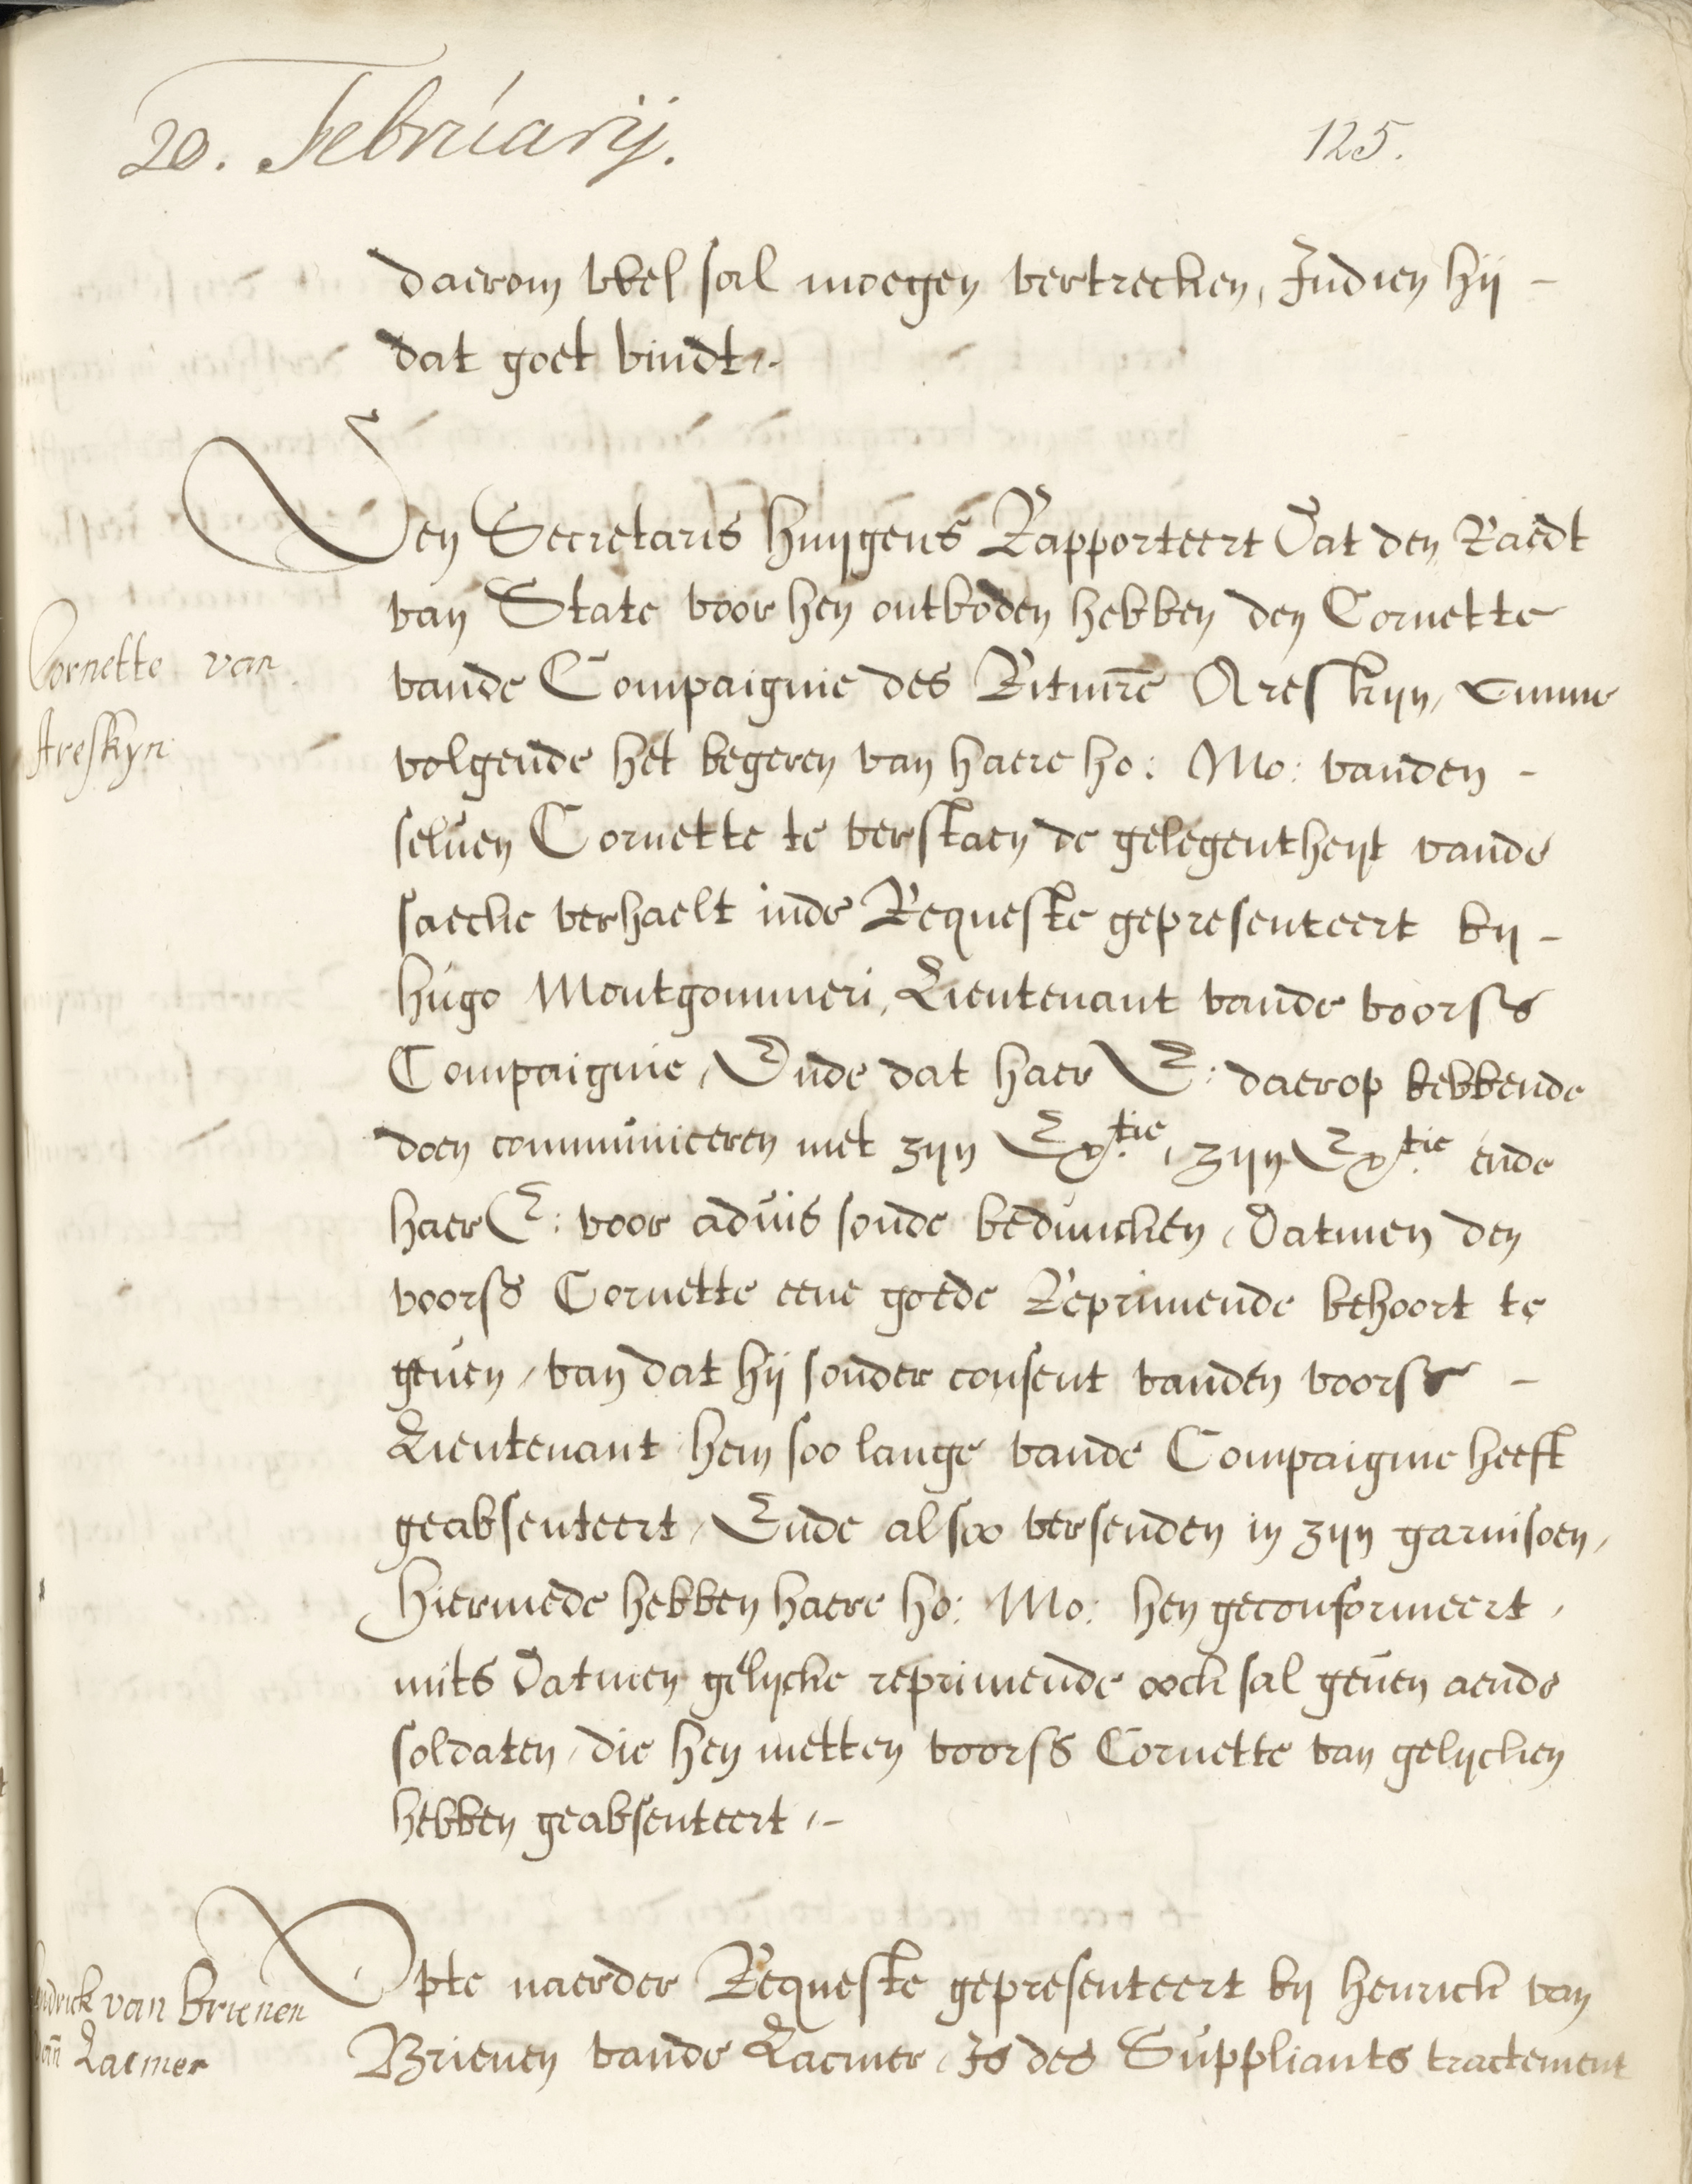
125.
20. Februarij.
daerom wel sal moegen vertrecken, Indien hij
dat goet vindt.
Cornette van
Areskyn
Den Secretaris Huygens Rapporteert dat den Raedt
van State voor hen ontboden hebben den Cornette
vande Compaignie des Ritmre Areskyn, omme
volgende het begeren van haere ho:Mo: vanden
seluen Cornette te verstaen de gelegentheyt vande
saecke verhaelt inde Requeste gepresenteert by
Hugo Montgommeri, Lieutenant vande voors
Compaignie. Ende dat haer E: daerop bewende
doen communiceren met zyn Extie., zyn Extie. ende
haer E: voor aduis soude beduncken, datmen den
voors Cornette eene goede Reprimende behoort te
geuen, van dat hij sonder consent vanden voors
Lieutenant hem soo lange vande Compaignie heeft
geabsenteert. Ende als versenden in zyn garnisoen,
hiermede hebben haere Ho:Mo: hen geconformeert,
mits datmen gelycke reprimende oock sal geuen aende
soldaten, die hen metten voors Cornette van gelycken
hebben geabsenteert.
Hendrick van Brienen
van Lacmer
Opte naerder Requeste gepresenteert by henrick van
Brienen vande Lacmer, Is des Suppliants tractement
